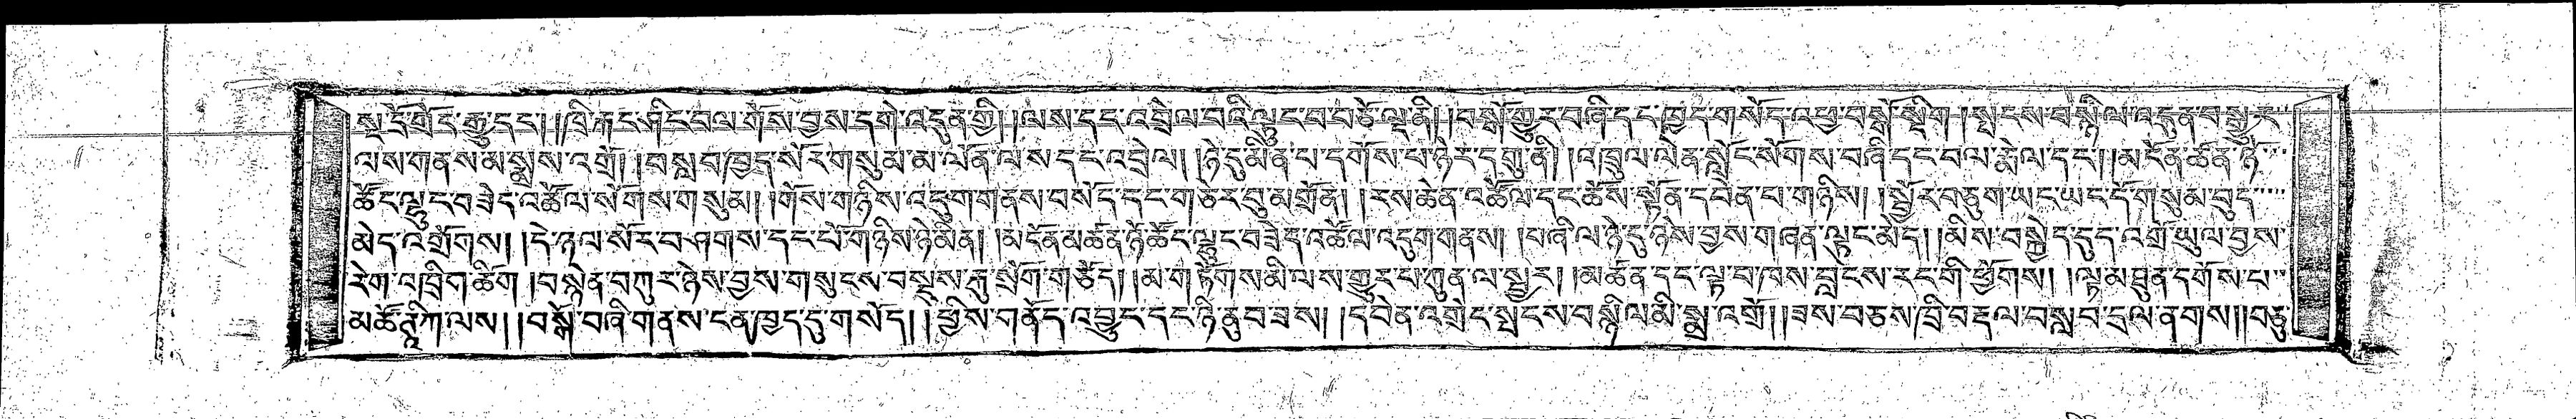སྔ་དྲོ་གྲོང་རྒྱུ་དང་། །ཁྲི་རྐང་ཤིང་བལ་གོས་བྱས་དགེ་འདུན་གྱི། །ལས་དང་འབྲེལ་བའི་ལྟུང་བ་བཅོ་ལྔ་ནི། །བསྒོ་གྱུར་བཞི་དང་ཁྱད་གསོད་འཕྱ་བསྒོ་སྡིག །སྤངས་བསྙིལ་འདུན་བསྒྱུར་
ལས་གནས་མ་སྨྲས་འགྲོ། །བསླབ་ཁྱད་སོར་གསུམ་མ་ལོན་ལས་དང་འབྲེལ། །ཉེ་དུ་མིན་པ་དགོས་པ་ཉེར་དགུ་ནི། །འཁྲུལ་ལེན་སློང་སོགས་བཞི་དང་བལ་རྨེལ་དང་། །མངོན་ཚན་ཉོ་
ཚོང་ལྷུང་བཟེད་འཚོལ་སོགས་གསུམ། །གོས་གཉིས་འདུག་གནས་བསོད་དང་གཅེར་བུ་མགྲོན། །རས་ཆེན་འཚོལ་དང་ཆོས་སྟོན་དབེན་པ་གཉིས། །སྦྱོར་བཅུག་ཡང་ཡང་དོ་གསུམ་བུད་
མེད་འགྲོགས། །དེ་ཉལ་སོར་བཤགས་དང་པོ་གཉིས་ཉེ་མིན། །མངོན་མཚན་ཉོ་ཚོང་ལྷུང་བཟེད་འཚོལ་འདུག་གནས། །བཞི་ལ་ཉེ་དུ་ཉེས་བྱས་གཞན་ལྟུང་མེད། །མིས་བསྐྱེད་དུད་འགྲོ་ཡུལ་བྱས་
རེག་འཁྲིག་ཚིག །བསྙེན་བཀུར་ཉེས་བྱས་གསུངས་བསྡུས་རྐུ་སྲོག་གཅོད། །མ་གཏོགས་མི་ལས་གྱུར་པ་ཀུན་ལ་སྦྱར། །མཚན་དང་ལྟ་བ་ཁས་བླངས་རང་གི་ཕྱོགས། །ལྟ་མཐུན་དགོས་པ་
མཚོ་ཊཱིཀ་ལས། །བསྒོ་བཞི་གནས་ངན་ཁྱད་དུ་གསོད། །ཕྱིས་གནོད་འབྱུང་དང་ཉི་ནུབ་ཟས། །དབེན་འགྲེང་སྤངས་བསྙིལ་མི་སྨྲ་འགྲོ། །ཟས་བཅས་ཁྲི་བརྡལ་བསླབ་དྲལ་ནགས། །བཅུ་